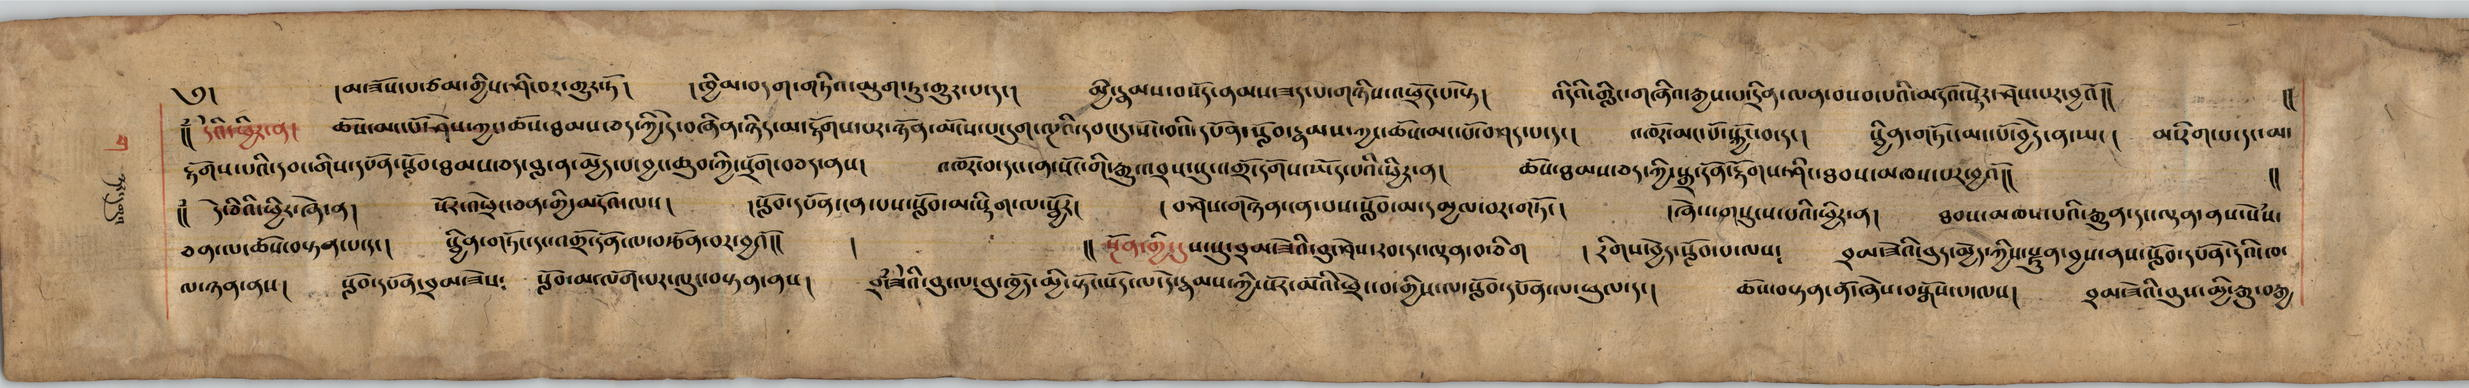༅། །མ་ཟོས་པ་ཙམ་གྱིས་ཤི་བར་གྱུར་ཏོ། །ཁྱིམ་བདག་གཏིའ་མུག་ཏུ་གྱུར་པ་དང། མྱི་རྣམས་བསོད་ནམས་ཟད་པ་གཉིས་འཕྲོད་པ་སྟེ། འདིའི་གླིང་གཞིའ་རྒྱས་པ་དྲིན་ལན་བསབ་པའི་མདོའ་སྡེར་ཤེས་པར་བྱའོ།།
།། དེའི་ཕྱིར་ན། ཆོས་མང་པོ་ཤེས་ཀྱང་ཆོས་ཐམས་ཅད་ཀྱི་དེ་བཞིན་ཉིད་མ་རྟོགས་པར་ཉོན་མོངས་པ་དུག་ལྔའི་དབང་དུ་སོང་བའི་དཔོན་སློབ་རྣམས་ཀྱང་ཆོས་མང་པོ་བཤད་པ་དང། འཁོར་མང་པོ་སྐྱོང་བ་དང། སྦྱིན་གཏོང་མང་པོ་བྱེད་ན་ཡང། མ་རིག་པ་དང་མ་
རྟོགས་པའི་དབང་གིས་དཔོན་སློབ་ཐམས་ཅད་བླ་ན་མྱེད་པ་བྱང་ཆུབ་ཀྱི་སྲོག་བཅད་ནས། འཁོར་བ་དང་ངན་སོང་གི་རྒྱུ་འབྲས་སུ་འགྲོ་དགོས་ཡོད་པའི་ཕྱིར་ན། ཆོས་ཐམས་ཅད་ཀྱི་སྒྲ་དོན་རྟོགས་ཤིང་ཐབས་མཁས་པར་བྱའོ།།
།། དེ་ཅིའི་ཕྱིར་ཞེ་ན། སོར་འཕྲེང་ཅན་གྱི་མདོའ་ལས། །སློབ་དཔོན་ངན་པས་སློབ་མ་སྡིག་ལ་སྦྱོར། །བཤེས་གཉེན་ངན་པས་སློབ་མ་དམྱལ་བར་གཏོང། །ཞེས་གསུངས་པའི་ཕྱིར་ན། ཐབས་མཁས་པའི་རྒྱུན་དང་ལྡན་ནས་སེཾས་
ཅན་ལ་ཆོས་བསྟན་པ་དང། སྦྱིན་གཏོང་དང་འགྲོ་དོན་ལ་བརྩོན་བར་བྱའོ།། ། །། སྔོན་གྱི་དུས་སུ་བྲམ་ཟེའི་བུ་ཤེས་རབ་དང་ལྡན་བ་ཅིག ། རིགས་བྱེད་སློབ་པ་ལས༴ བྲམ་ཟེའི་བུད་མྱེད་ཀྱིས་སྫུན་བྱས་ནས་སློབ་དཔོན་དེའི་ཁ་
ལ་ཉན་ནས། སློབ་དཔོན་བྲམ་ཟེས༴ སློབ་མ་ལོག་པར་ལུང་བསྟན་ནས། བྲཾ་ཟེའི་བུ་ལ་བུ་ཁྱོད་མྱི་སྟོང་སོད་ལ་དེ་རྣམས་ཀྱི་སོར་མོའི་ཕྲེང་བ་གྱིས་ལ་སློབ་དཔོན་ལ་ཕུལ་དང། ཆོས་བསྟན་ནོ་ཞེས་བསྒོས་པ་ལས། བྲམ་ཟེའི་བུས་མྱི་རྒྱུ་བརྒྱ